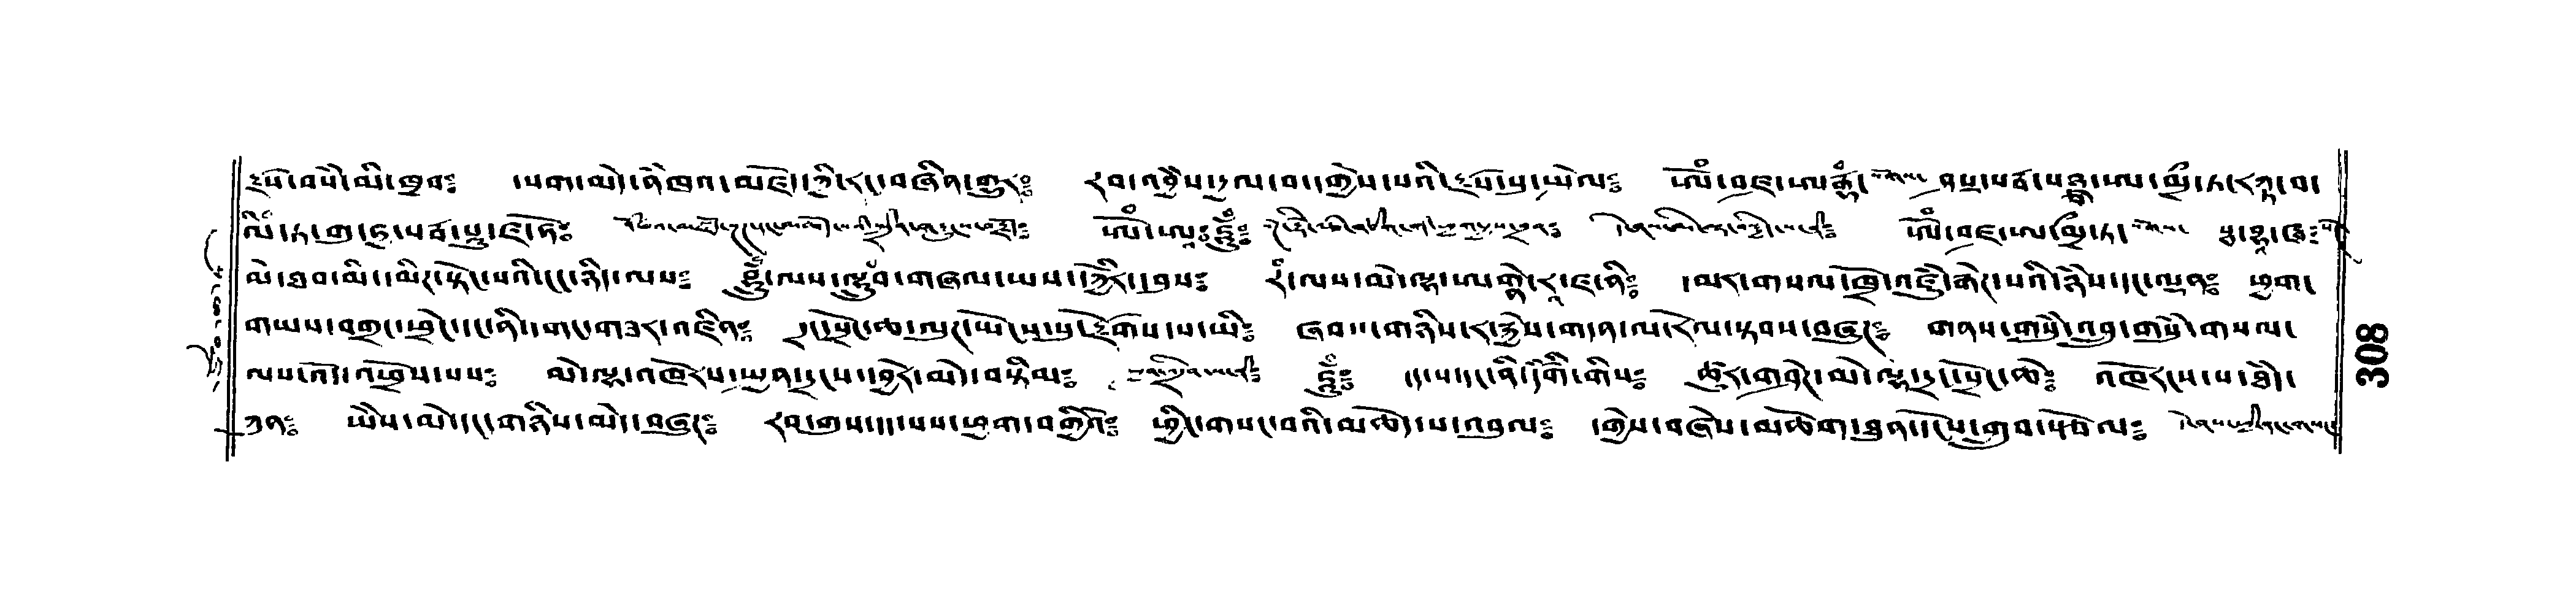རྫས་བསམ་མི་ཁྱབ༔ དཔག་མེད་ནམ་མཁའ་མཛོད་ཀྱི་རང་བཞིན་གྱུར༔ རབ་འབྱམས་རྒྱལ་བ་དགྱེས་པའི་རྗས་སུ་སྤེལ༔ ཨོཾ་བཛྲ་ཨརྒྷཾ་སོགས༔ ཤཔྡ་སརྦ་པཉྩ་ཨ་མྲྀ་ཏ་རཀྟ་བ་
ལིཾ་ཏ་གུ་ཧྱ་སརྦ་པཱུ་ཛ་ཧོཿ ནམ་མཁའ་མཛོད་སྔགས་དང་མཆོད་པའི་སྤྲིན་གཟུངས་བརྗོད༔ ཨོཾ་ཨཱཿཧཱུྃ༔ སོགས་རྡོ་རྗེ་རྩེ་གཅིག་གི་ཕྱག་རྒྱས་བྲན༔ དེ་ནས་མེ་ལྷ་བསྐྱེད་པ་ནི༔ཨོཾ་བཛྲ་ཨ་མྲྀ་ཏ་སོགས༔ སྭ་བྷཱ་ཝ༴སོགས༔ 
མེ་ཐབ་མི་དམིགས་སྟོང་པའི་ངང་ཉིད་ལས༔ བྷྲཱུྃ་ལས་ལྷུན་གྲུབ་གཞལ་ཡས་དཀྱིལ་འཁོར་དབུས༔ རཾ་ལས་མེ་ལྷ་ཨགྣེ་རཱ་ཛ་ནི༔ དམར་གསལ་ཁྲོ་འཛུམ་སྒེག་པའི་ཉམས་དང་ལྡན༔ ཕྱག་
གཡས་བགྲང་ཕྲེང་དང་ནི་དགང་གཟར་འཛིན༔ དྲང་སྲོང་ཆ་ལུགས་ཡོངས་སུ་རྫོགས་པ་ཡི༔ ཞབས་གཉིས་ར་སྐྱེས་གདན་ལ་རོལ་སྟབས་བཞུགས༔ གནས་གསུམ་འབྲུ་གསུམ་གསལ་
ལས་འོད་འཕྲོས་པས༔ མེ་ལྷ་འཁོར་བཅས་སྤྱན་དྲངས་དབྱེར་མེད་བསྟིམ༔ སྤྱན་འདྲེན་པ་ནི༔ ཧཱུྃ༔ ངད་པ་དང་ནི་དམ་ཚིག་གིས༔ ཚུར་གཤེགས་མེ་ལྷ་དྲང་སྲོང་ཆེ༔ འཁོར་དང་བཅས་པ་ཐམས་ཅད་
ཀུན༔ ཡེ་ཤེས་མེ་དང་གཉིས་མེད་བཞུགས༔ རབ་གུས་དད་པས་ཕྱག་བགྱིའོ༔ ཕྱི་ནང་གསང་བའི་མཆོད་པ་འབུལ༔ དགྱེས་བཞེས་མཆོག་ཐུན་དངོས་གྲུབ་སྩོལ༔ དེ་ནས་ཕྱི་ནང་གསང་